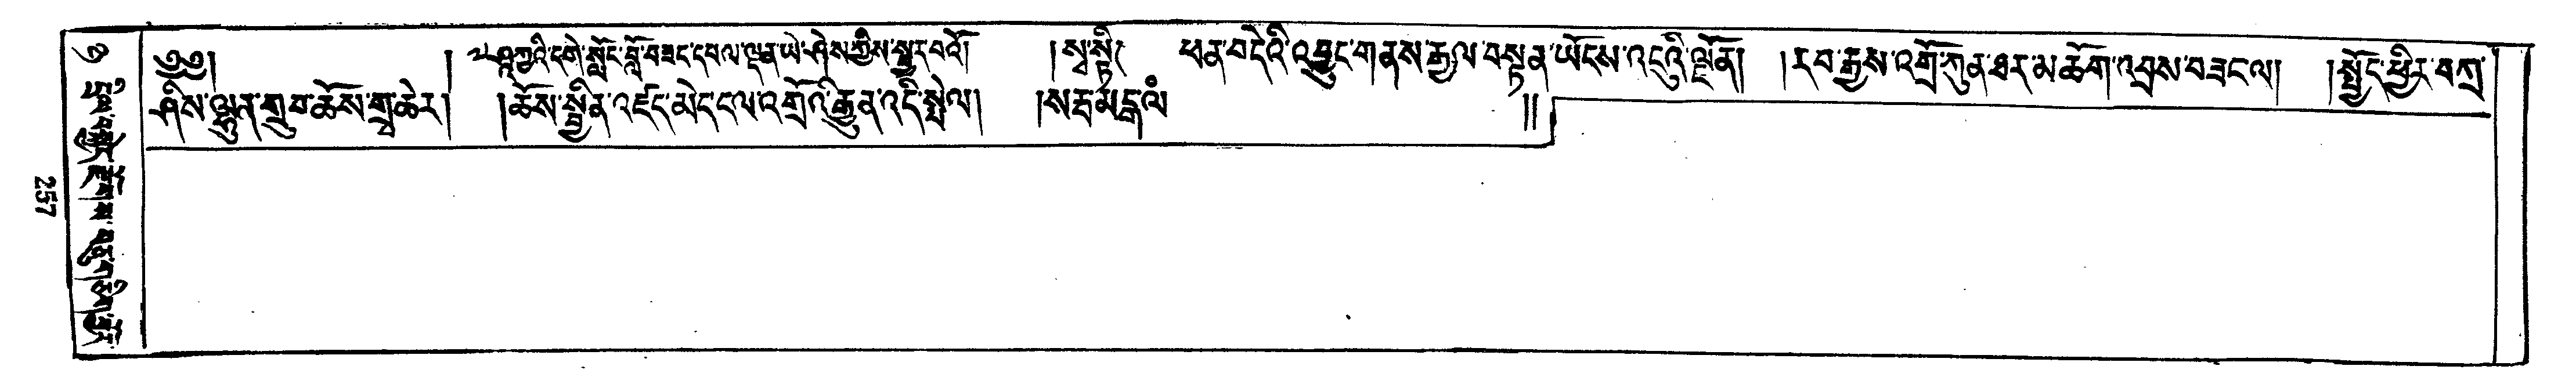༄༅། །༧་ཤཱཀྱའ་དགེ་སོང་བློ་བཟང་དཔལ་ལྡན་ཡེ་ཤེས་ཀྱིས་སྦྱར་བའོ། །སྭསྟི༑ པན་བདེའི་འབྱུང་གནས་རྒྱལ་བསྟན་ཡོངས་འདུའི་ལྗོན། །རབ་རྒྱས་འགྲོ་ཀུན་ཐར་མཆོག་འབའ་བཟང་ལ། །སྤྱོད་ཕྱིར་བཀྲ་
ཤིས་ལྷུན་གྲུབ་ཆོས་གྲྭ་ཆེར། །ཆོས་སྤྱན་འཛད་མེད་དལ་འགྲོའི་རྒྱུན་འདི་སྤེལ། །སརྦ་མངྒ་ལཾ། ། ། །